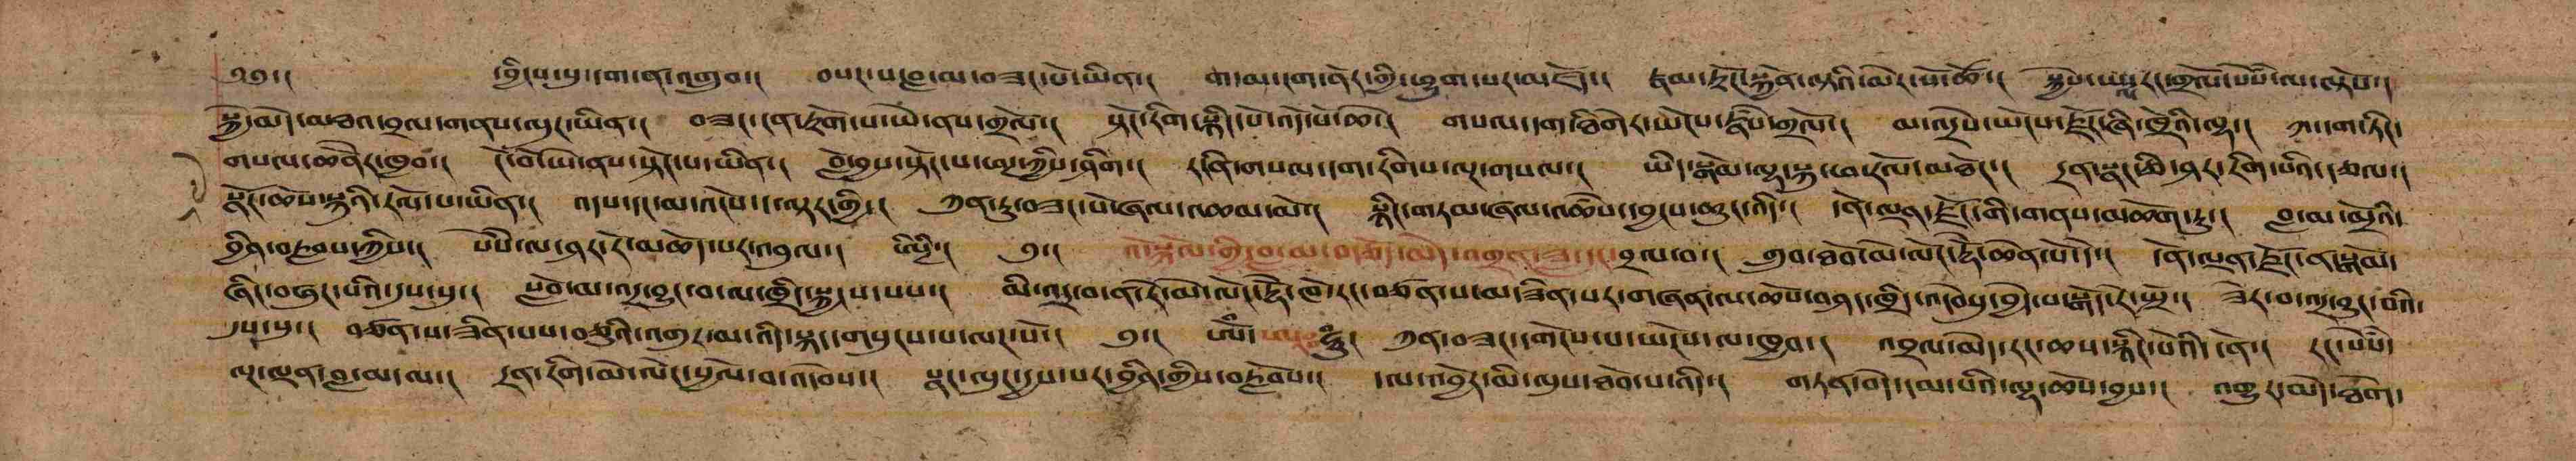༄༅་། དབྱིངས་སུ་དག་ན་འགྲུབ། བསགས་པ་བླ་མ་བཟང་པོ་ཡིན། གདམ་ངག་ནོར་གྱི་ཕྱུག་པར་མཛོད། རྣམ་རྟོགས་སྐྱོན་ལྟའི་མེར་པོ་ཚེ། སྐྱེས་ཡལ་རང་གྲོལ་སེམས་ལ་ལྟོས། 
སྐྱེ་མེད་མཐའ་བྲལ་གནས་ལུགས་ཡིན། བཟང་ངན་རྟོག་པ་ཡེ་ནས་གྲོལ། སྟོང་རིག་སྙིང་པོ་འོད་པོ་ཆེ། གསལ་དག་ཐེག་ལེར་ཡོངས་རྣམས་གྲོལ། མ་འདྲེས་ཡོངས་རྫོགས་ཞི་ཁྲོའི་ལྷ། ཀ་དག་ཏིང་
གསལ་ཆེན་པོར་ཁྱབ། ངོ་བོ་ཡེ་ནས་སྟོང་པ་ཡིན། བློ་བྱས་སྟོང་པ་ཕཊ་ཀྱིས་ཤིག རང་བཞིན་གསལ་དག་རིགས་ལྔ་གསལ། ཡིད་སྒོམ་ལྷ་སྐུ་ཕ་རོལ་མཐོང་། དྲན་སྣང་ཅི་ཤར་རིག་པའི་རྩལ། 
སྣ་ཚོགས་ཆོས་སྐུའི་རོལ་པ་ཡིན། འདས་དང་མ་འོངས་ད་ལྟར་གྱི། ཀུན་ཏུ་བཟང་པོ་ཞལ་འཆལ་མོ། སྙིང་གཏམ་ཞལ་འཚཾས་དབྱངས་ཆུང་འདི། དོན་ལྡན་རྫོང་གི་གནས་མཆོག་ཏུ། བླ་མ་མཁའ་འགྲོའི་
བྱིན་བརླབས་ཀྱིས། སེམས་ལ་ཤར་རོ་མཆོད་པར་འབུལ། ཨིཊི། ༄་། འོ་སྐོལ་གྱི་བླ་མ་བརྩོད་མེད་འགྲན་ཟླ་དང་བྲལ་བ། གྲུབ་ཐོབ་མེ་ལོང་རྡོ་རྗེ་ཆེན་པོ་དེ། དོན་ལྡན་རྫོང་ན་སྒོམ་
ཞིང་ཞུགས་པའི་དུས་སུ། སློབ་མ་འདྲ་བྱུང་བ་ལ་ཁྲིད་སྐྱངས་པས། མི་འདྲ་བ་ན་རེ་མེ་ལོང་རྡོ་རྗེ་ཁོ་རང་བཙན་ས་མ་ཟིན་པར་གཞན་ལ་ཆོས་བཤད་ཁྲིད་འདེབས་སུ་བྱེད་པ་སྒོད་རེ་སྤྲོ། ཟེར་བ་འདྲ་བྱུང་བའི་
དུས་སུ། བཙན་ས་ཟིན་པས་བཅུའི་འགུར་མ་འདི་སྐད་གསུངས་པ་ལགས་སོ། ༄་། ཨོཾ་ཨཱཿ. ཧཱུཾ། ཀུན་བཟང་དགོངས་པ་ཡོངས་ལ་ཁྱབ། འབྲལ་མེད་རང་ཆས་སྙིང་པོའི་དོན། རང་སེམས་
ལྔ་ལྡན་བླ་མ་ལ། དྲན་རིག་མེ་ལོང་གསོལ་བ་འདེབས། སྣང་ལུགས་རྒྱས་པར་བྱིན་གྱིས་བརློབས། དལ་འབྱོར་མི་ལུས་ཐོབ་པ་འདི། གཏན་བདེ་དམ་པའི་ལྷ་ཆོས་བྱས། འགྱུར་མེད་ཐོག